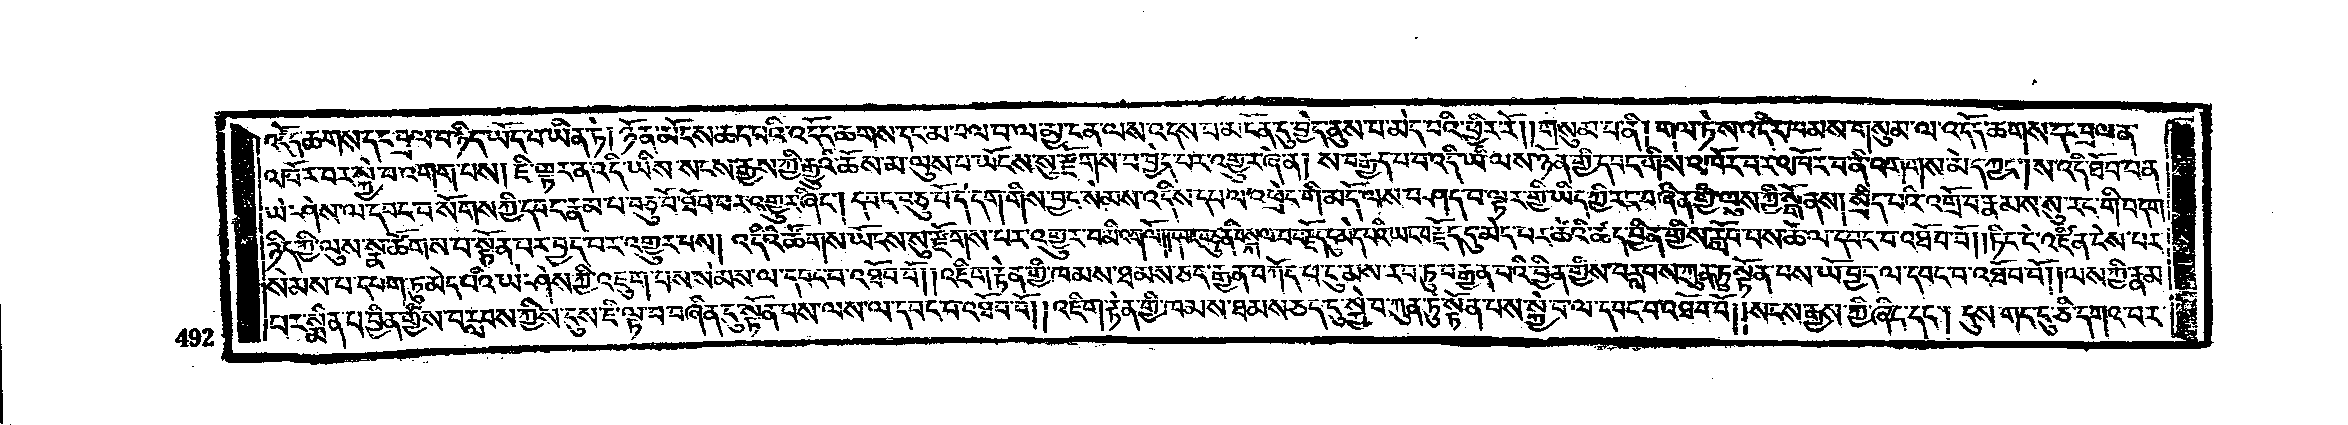འདོད་ཆགས་དང་བྲལ་བ་ཉིད་ཡོད་པ་ཡིན་ཏེ། ཉོན་མོངས་ཆད་པའི་འདོད་ཆགས་དང་མ་བྲལ་བ་ལ་མྱ་ངན་ལས་འདས་པ་མངོན་དུ་བྱེད་ནུས་པ་མེད་པའི་ཕྱིར་རོ། །གསུམ་པ་ནི། གལ་ཏེ་ས་འདིར་ཁམས་གསུམ་ལ་འདོད་ཆགས་དང་བྲལ་ན་
འཁོར་བར་སྐྱེ་བ་འགག་པས། ཇི་ལྟར་ན་འདི་ཡིས་སངས་རྒྱས་ཀྱི་རྒྱུའི་ཆོས་མ་ལུས་པ་ཡོངས་སུ་རྫོགས་པ་བྱེད་པར་འགྱུར་ཞེ་ན། ས་བརྒྱད་པ་བ་འདི་ཡི་ལས་ཉོན་གྱི་དབང་གིས་འཁོར་བར་འཁོར་བ་ནི་འགགས་མེད་ཀྱང་། ས་འདི་ཐོབ་པ་ན་
ཡེ་ཤེས་ལ་དབང་བ་སོགས་ཀྱི་དབང་རྣམ་པ་བཅུ་པོ་ཐོབ་པར་འགྱུར་ཞིང་། དབང་བཅུ་པོ་དེ་དག་གིས་བྱང་སེམས་འདིས་དཔལ་འཕྲེང་གི་མདོ་ལས་བཤད་པ་ལྟར་གྱི་ཡིད་ཀྱི་རང་བཞིན་གྱི་ལུས་ཀྱི་སྒོ་ནས། སྲིད་པའི་འགྲོ་བ་རྣམས་སུ་རང་གི་བདག་
ཉིད་ཀྱི་ལུས་སྣ་ཚོགས་པ་སྟོན་པར་བྱེད་པར་འགྱུར་བས། འདིའི་ཚོགས་ཡོངས་སུ་རྫོགས་པར་འགྱུར་བ་མི་འགལ་ལོ། །དབང་བཅུ་ནི་བསྐལ་པ་བརྗོད་དུ་མེད་པའི་ཡང་བརྗོད་དུ་མེད་པར་ཚེའི་ཚད་བྱིན་གྱིས་རློབ་པས་ཚེ་ལ་དབང་བ་འཐོབ་བོ། །ཏིང་ངེ་འཛིན་ངེས་པར་
སེམས་པ་དཔག་ཏུ་མེད་པའི་ཡེ་ཤེས་ཀྱི་འཇུག་པས་སེམས་ལ་དབང་བ་འཐོབ་བོ། །འཇིག་རྟེན་གྱི་ཁམས་ཐམས་ཅད་རྒྱན་བཀོད་པ་དུ་མས་རབ་ཏུ་བརྒྱན་པའི་བྱིན་གྱིས་བརླབས་ཀུན་ཏུ་སྟོན་པས་ཡོ་བྱད་ལ་དབང་བ་འཐོབ་བོ། །ལས་ཀྱི་རྣམ་
པར་སྨིན་པ་བྱིན་གྱིས་བརླབས་ཀྱིས་དུས་ཇི་ལྟ་བ་བཞིན་དུ་སྟོན་པས་ལས་ལ་དབང་བ་འཐོབ་བོ། །འཇིག་རྟེན་གྱི་ཁམས་ཐམས་ཅད་དུ་སྐྱེ་བ་ཀུན་ཏུ་སྟོན་པས་སྐྱེ་བ་ལ་དབང་བ་འཐོབ་བོ། །སངས་རྒྱས་ཀྱི་ཞིང་དང་། དུས་གང་དུ་ཅི་དགའ་བར་